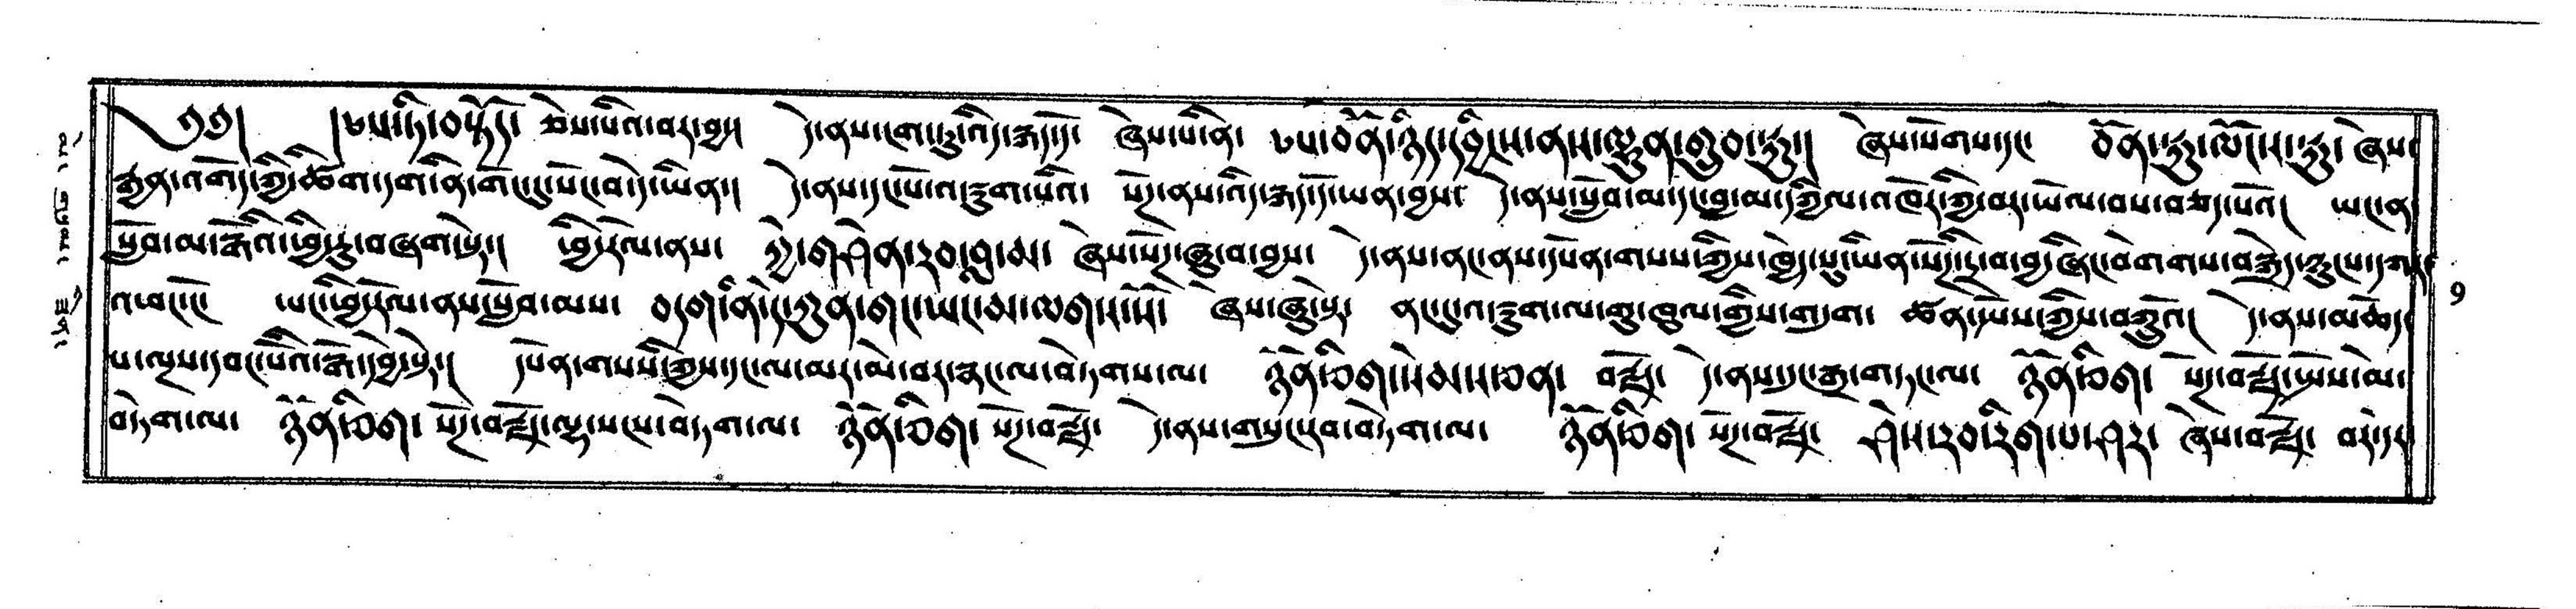ཨ་ཏི་བསྟོད་ཅེས་པའི་བར་བྱ། དེ་ནས་ངག་ཏུ་འདི་སྐད་དོ་ཞེས་པ་ནི་ཨ་བོན་ཉིད་དབྱིངས་ནས་ལྷུན་གྲུབ་སྐུ། ཞེས་སོགས་དང་། བོན་སྐུ་ལོངས་སྐུ་ཞེས་
རྒྱན་འགོད་ཀྱི་ཚིག་དག་ནི་གོང་དུ་སོང་བ་དེ་ཡིན། དེ་ནས་དང་པོ་འཇུག་པའི་སོགས་ནས་འདི་སྐད་དོ་ཡན་བྱས་དེ་ནས་སློབ་མ་དང་བླ་མ་དཀྱིལ་འཁོར་གྱི་བར་ཡོལ་བས་བཅད་པའོ། ཡང་ན་
སློབ་མ་སྒོའི་ཕྱི་རུ་བཞག་སྟེ། ཕྱི་རོལ་ནས་ཀྱེ་གཤེན་རབ་བླ་མ་ཞེས་སོགས་ཞུ་བ་བྱས་དེ་ནས་ནང་ནས་དཔོན་གསས་ཀྱིས་ཁྱེད་སུ་ཡིན་སོགས་དྲི་བ་བྱ་ཞིང་བགེགས་བསྐྲད་ཉུངས་དཀར་
འཕང་ངོ་། ཡང་ཕྱི་རོལ་ནས་སློབ་མས་བདག་ནི་དེ་ཀུན་གང་ཡང་མ་ལགས་སོ་ཞེས་ཞུ་སྟེ་ནང་དུ་འཇུག་ལ་གུ་ཁུལ་གྱིས་གདུག་ཚན་སྤོས་ཀྱིས་བཀྲུའོ། དེ་ནས་མཆོད་
པ་ལྔས་དབང་པོའི་སྒོ་དབྱེ་སྟེ། དཔོན་གསས་ཀྱིས་དང་ལ་མར་མེ་བར་སྣང་ལ་བཏེགས་ལ་ཉོན་ཅིག་སེམས་ཅན་བརྗོད་དེ་ནས་དུང་སྒྲ་གཏང་ལ་ཉོན་ཅིག་སོགས་བརྗོད་སྤོས་མེ་
བཏེག་ལ་ཉོན་ཅིག་སོགས་བརྗོད་ལྷ་སངས་བཏེག་ལ་ཉོན་ཅིག་སོགས་བརྗོད་དེ་ནས་གསུང་རབ་བཏེག་ལ་ཉོན་ཅིག་སོགས་བརྗོད་ཤེས་རབ་རིག་པ་ཤར་ཞེས་བརྗོད་བར་དེར་